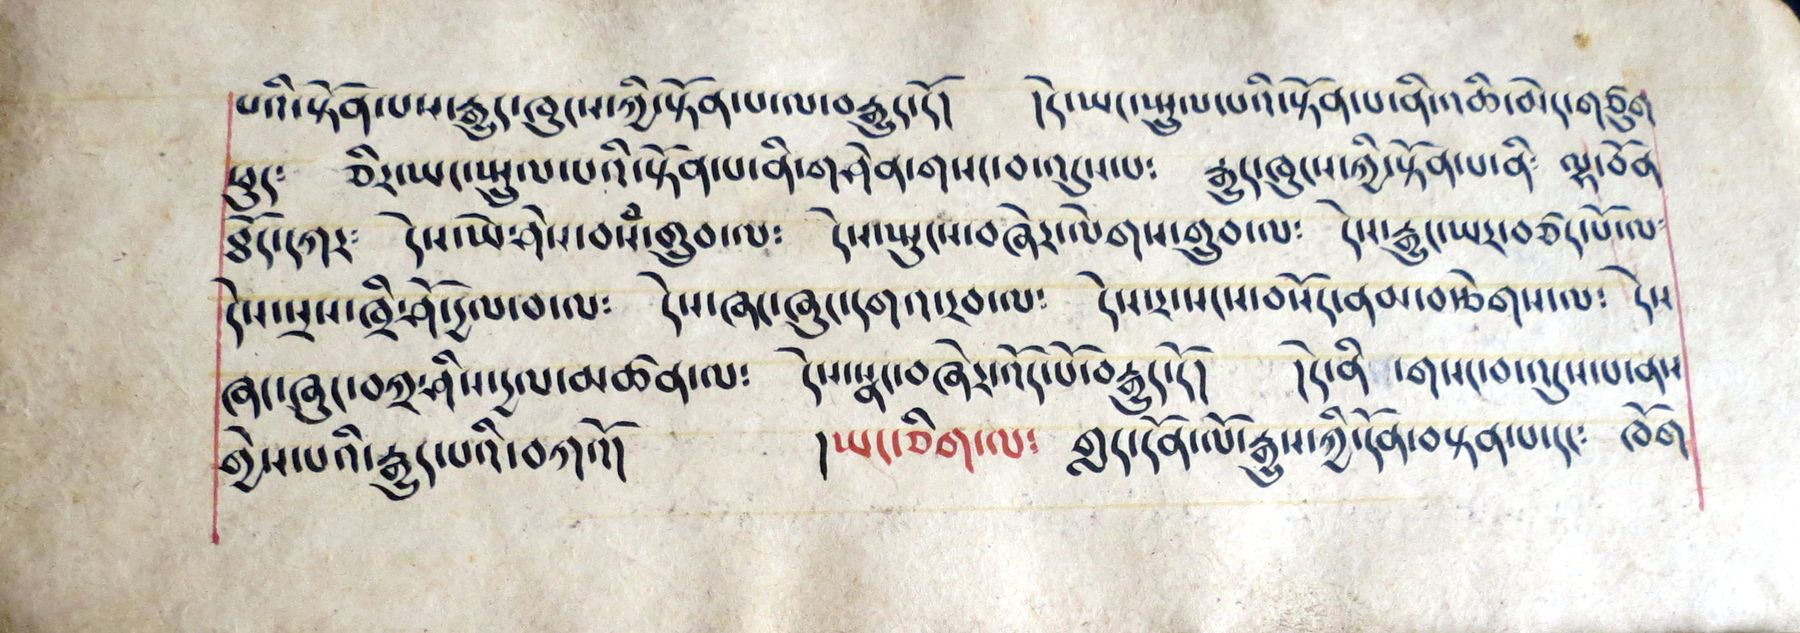པའི་སྟོན་པས་རྒྱུད་ཁུངས་ཀྱི་སྟོན་པ་ལ་བརྒྱུད་དོ། དེ་ཡང་སྤྲུལ་པའི་སྟོན་པ་ནི་འཆི་མེད་གཙུག་
ཕུད། ཅིར་ཡང་སྤྲུལ་པའི་སྟོན་པ་ནི་གཤེན་གསང་བ་འདུས་པ། རྒྱུད་ཁུངས་ཀྱི་སྟོན་པ་ནི། ལྷ་བོན་
ཐོད་དཀར། དེས་ཡེ་ཤེས་བསམ་གྲུབ་ལ། དེས་སྤུངས་བཞེར་ལེགས་གྲུབ་ལ། དེས་རྒྱུང་ཡར་བཙད་པོ་ལ། 
དེས་སྲས་ཁྲི་ཤོ་རྒྱལ་བ་ལ། དེས་ཞང་ཞུང་དགའ་རབ་ལ། དེས་ར་སངས་བསོད་ནམས་བརྩེགས་ལ། དེས་
ཞང་ཞུང་བཀྲ་ཤིས་རྒྱལ་མཚན་ལ། དེས་སྣང་བཞེར་འོད་པོ་ལ་བརྒྱུད་དོ། དེ་ནི་གསང་བ་འདུས་པ་ནས་
གྱེས་པའི་བཀའ་འོ། །ཡང་ཅིག་ལ། ཀླད་དོན་ལོ་རྒྱུས་ཀྱི་དོན་བསྟན་པ་དང་། ཁོག་